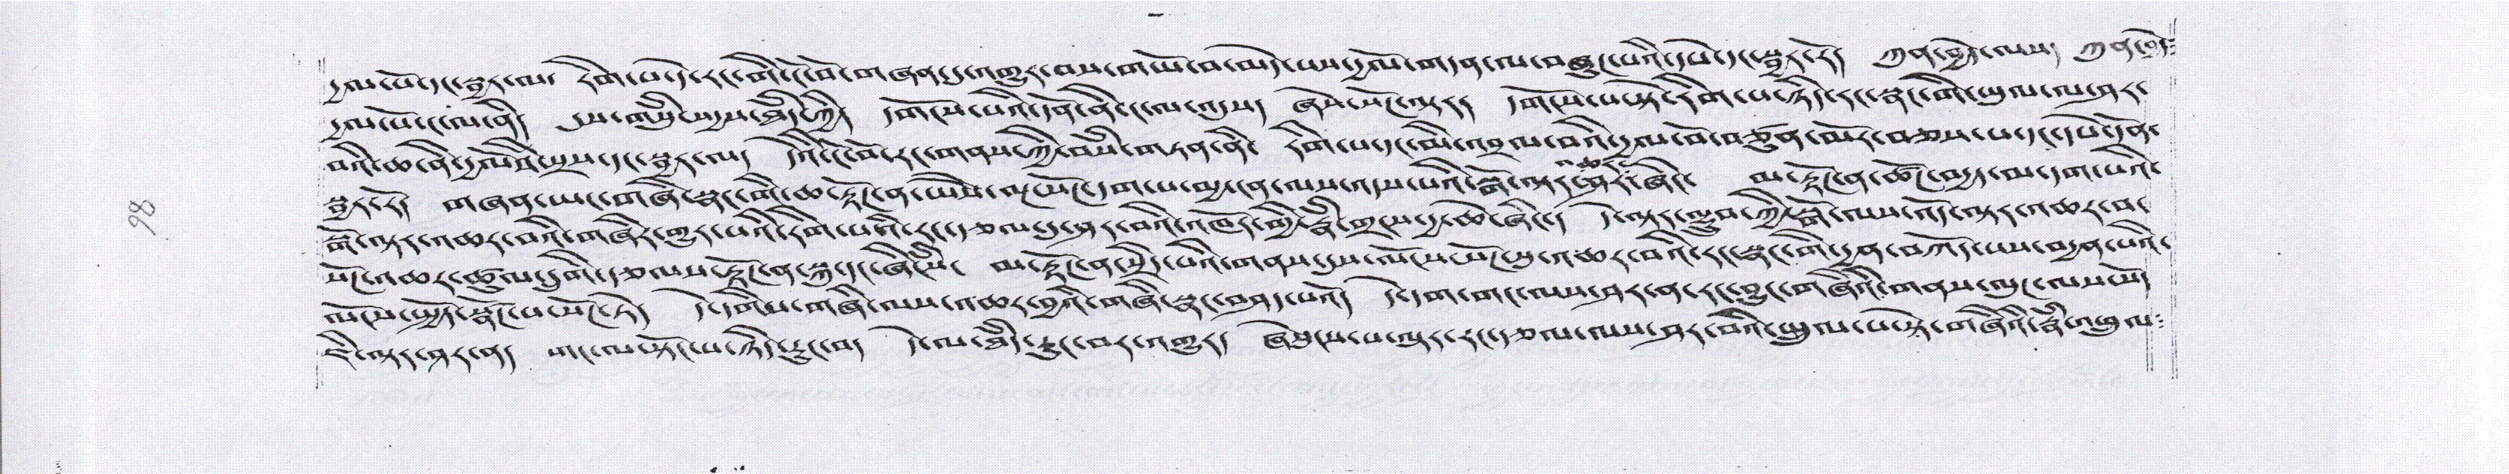རྒྱལ་པོ་དང་སྦྱར་ལ། རིག་པ་དེ་རང་གི་ངོ་བོ་གཞན་དུ་འགྱུར་བས་གཡོ་བ་མེད་པས་རྒྱལ་པོ་གདན་ལ་བཞུགས་པའི་དཔེ་དང་སྦྱར་རོ། ཀུན་བྱེད་ལས། ཀུན་བྱེད་
རྒྱལ་པོ་ང་ལ་ནི། དུས་གསུམ་སངས་རྒྱས་ཐམས་ཅད་ཀྱི། དགོངས་པའི་དོན་ནི་ང་ལ་འདུས། ཞེས་སོགས་ལྟར། དགོངས་པ་སྟེ་རིག་པ་ཉིད་རང་སྣང་གི་ཡུལ་ལ་ཤར་
བའི་ཆ་ནི་རྒྱལ་པོའི་སྲས་དང་སྦྱར་ལ། དེའི་ངོ་བོ་རང་གནས་ཀྱི་བསམ་གཏན་ནི། རིག་པ་དང་མི་འབྲལ་བའི་རྒྱལ་མོ་བཙུན་མོར་བཅས་པ་དང་དཔེ་དོན་
སྦྱར་རོ། གཞན་ཡང་གཞི་སྣང་གི་ཆ་རྟོགས་ན་ཡེ་ཤེས་ལྔ་སོགས་དག་པ་མྱ་ངན་ལས་འདས་པའི་སྒོ་ལྟར་འཆར་ཞིང་། མ་རྟོགས་ན་ཚོགས་བརྒྱད་མ་དག་པའི་
སྒོ་ལྟར་འཆར་བའི་གཞིར་གྱུར་པའི་རིག་པའི་རང་རྩལ་དུ་ཤར་བའི་འཁོར་གྱི་རྣམ་གྲངས་རྒྱ་ཆེ་ཞིང་། དེ་ལྟར་ལྷུན་གྲུབ་ཀྱི་སྒོ་ལས་འོད་ལྟར་འཆར་བ་
སོགས་འཆར་ཚུལ་དྲུག་གི་རྩལ་ལས་རྟོགས་ན་སྐུ་དང་ཞིང་ཁམས། མ་རྟོགས་ན་སྲིད་པའི་གནས་དུས་ལོངས་སོགས་སུ་འཆར་བའི་རང་སྣང་གི་རྒྱན་བཀོད་པས་བརྒྱན་པའི་
ལོངས་སྤྱོད་སྣ་ཚོགས་པ་སོགས་ཏེ། དེ་དག་གིས་གཞི་ལས་འཆར་བྱའི་གཞི་སྣང་བཤད་པའོ། དེ་དག་གང་ལས་ཤར་ན་རང་བྱུང་གཞིའི་གནས་ལུགས་ལས་སོ། 
ཇི་ལྟར་ཤར་ན། གང་ལ་སྟོང་པ་ཉིད་རུང་བ། དེ་ལ་ཐམས་ཅད་རུང་བར་འགྱུར། ཞེས་གསུངས་པ་ལྟར་རང་རྩལ་ལས་ཤར་བའི་སྤྲུལ་པ་སྟེ་གཞིའི་རྣམ་འཕྲུལ་